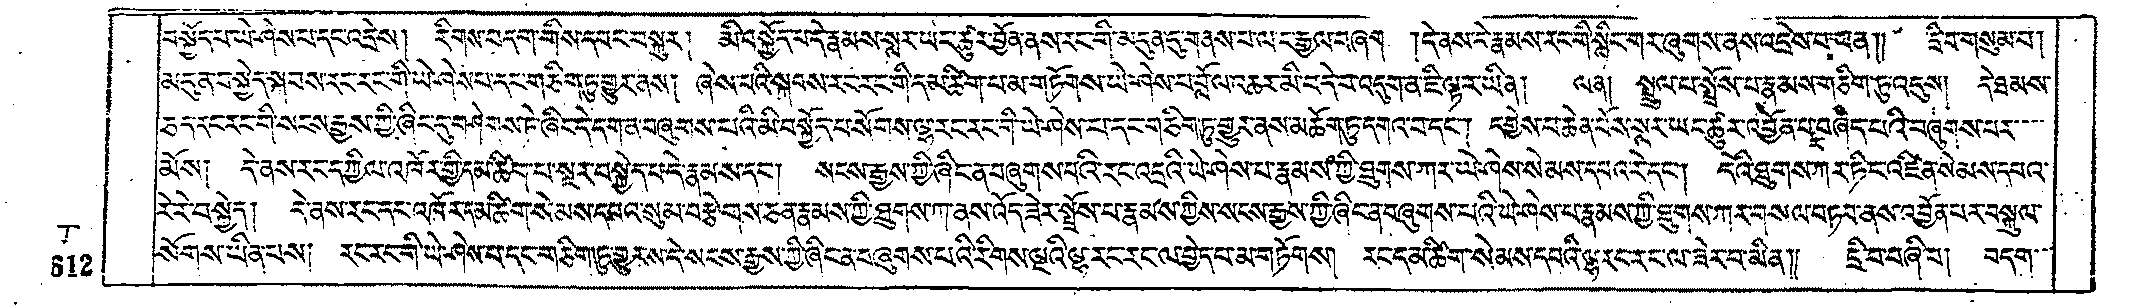བསྐྱོད་པ་ཡེ་ཤེས་པ་དང་འདྲེས། རིགས་བདག་གིས་དབང་བསྐུར། མི་བསྐྱོད་པ་དེ་རྣམས་སླར་ཡང་ཚུར་བྱོན་ནས་རང་གི་མདུན་དུ་གནས་པ་ལ་ང་རྒྱལ་བཞག །དེ་ནས་དེ་རྣམས་རང་གི་སྙིང་གར་ཞུགས་ནས་འདྲེས་པ་ཡན།། དྲི་བ་གསུམ་པ།
མདུན་བསྐྱེད་སྐབས་རང་རང་གི་ཡེ་ཤེས་པ་དང་གཅིག་ཏུ་གྱུར་ནས། ཞེས་པའི་སྐབས་རང་རང་གི་དམ་ཚིག་པ་མ་གཏོགས་ཡེ་ཤེས་པ་བློ་ལ་འཆར་མི་བདེ་བ་འདུག་ན་ཇི་ལྟར་ཡིན། ལན། སྤྲུལ་པ་སྤྲོས་པ་རྣམས་གཅིག་ཏུ་འདུས། དེ་ཐམས་
ཅད་རང་རང་གི་སངས་རྒྱས་ཀྱི་ཞིང་དུ་གཤེགས་ཏེ་ཞིང་དེ་དག་ན་བཞུགས་པའི་མི་བསྐྱོད་པ་སོགས་ལྷ་རང་རང་གི་ཡེ་ཤེས་པ་དང་གཅིག་ཏུ་གྱུར་ནས་མཆོག་ཏུ་དགའ་བ་དང་། དགྱེས་པ་ཆེན་པོས་སླར་ཡང་ཚུར་འབྱོན་པར་བཞིད་པའི་བཞུགས་པར་་་
མོས། དེ་ནས་རང་དཀྱིལ་འཁོར་གྱི་དམ་ཚིག་པ་སྔར་བསྐྱེད་པ་དེ་རྣམས་དང་། སངས་རྒྱས་ཀྱི་ཞིང་ན་བཞུགས་པའི་རང་འདྲའི་ཡེ་ཤེས་པ་རྣམས་ཀྱི་ཐུགས་ཀར་ཡེ་ཤེས་སེམས་དཔའ་རེ་དང་། དེའི་ཐུགས་ཀར་ཏིང་འཛིན་སེམས་དཔའ་
མོས། དེ་ནས་རང་དཀྱིལ་འཁོར་གྱི་དམ་ཚིག་པ་སྔར་བསྐྱེད་པ་དེ་རྣམས་དང་། སངས་རྒྱས་ཀྱི་ཞིང་ན་བཞུགས་པའི་རང་འདྲའི་ཡེ་ཤེས་པ་རྣམས་ཀྱི་ཐུགས་ཀར་ཡེ་ཤེས་སེམས་དཔའ་རེ་དང་། དེའི་ཐུགས་ཀར་ཏིང་འཛིན་སེམས་དཔའ་
རེ་རེ་བསྐྱེད། དེ་ནས་རང་དང་འཁོར་དམ་ཚིག་སེམས་དཔའ་སུམ་བརྩེགས་ཅན་རྣམས་ཀྱི་ཐུགས་ཀ་ནས་འོད་ཟེར་སྤྲོས་པ་རྣམས་ཀྱིས་སངས་རྒྱས་ཀྱི་ཞིང་ན་བཞུགས་པའི་ཡེ་ཤེས་པ་རྣམས་ཀྱི་ཐུགས་ཀར་གསལ་བཏབ་ནས་འབྱོར་པར་བསྐུལ་
སོགས་ཡིན་པས། རང་རང་གི་ཡེ་ཤེས་པ་དང་གཅིག་ཏུ་གྱུར་ས་དེ་སངས་རྒྱས་ཀྱི་ཞིང་ན་བཞུགས་པའི་རིགས་ལྔའི་ལྷ་རང་རང་ལ་བྱེད་པ་མ་གཏོགས། རང་དམ་ཚིག་སེམས་དཔའི་ལྷ་རང་རང་ལ་ཟེར་བ་མིན།། དྲི་བ་བཞི་པ། བདག་་་